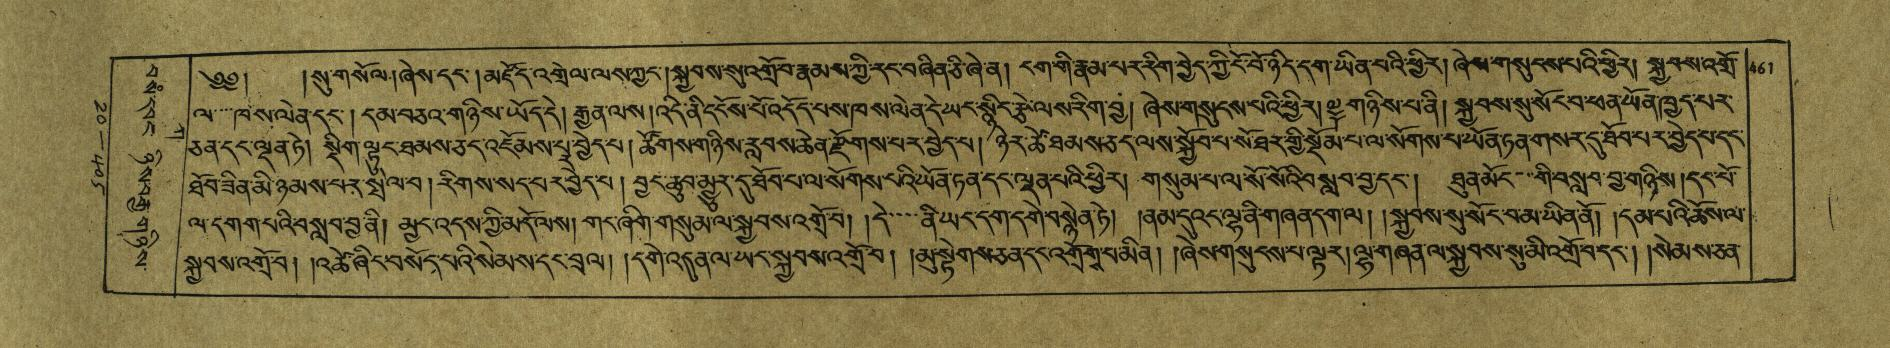༄༅། །སུ་གསོལ། ཞེས་དང་། མཛོད་འགྲེལ་ལས་ཀྱང་། སྐྱབས་སུ་འགྲོ་བ་རྣམས་ཀྱི་རང་བཞིན་ཅི་ཞེ་ན། ངག་གི་རྣམ་པར་རིག་བྱེད་ཀྱི་ངོ་བོ་ཉིད་དག་ཡིན་པའི་ཕྱིར། ཞེས་གསུངས་པའི་ཕྱིར། སྐྱབས་འགྲོ་
ལ་ཁས་ལེན་དང་། དམ་བཅའ་གཉིས་ཡོད་དེ། རྒྱན་ལས། འདི་ནི་དངོས་པོ་འདོད་པས་ཁས་ལེན་དེ་ཡང་སྙིང་རྩེ་ལས་རིག་བྱ། ཞེས་གསུངས་པའི་ཕྱིར། ༈ གཉིས་པ་ནི། སྐྱབས་སུ་སོང་བ་ཕན་ཡོན་ཁྱད་པར་
ཅན་དང་ལྡན་ཏེ། སྡིག་ལྟུང་ཐམས་ཅད་འཇོམས་པར་བྱེད་པ། ཚོགས་གཉིས་རླབས་ཆེན་རྫོགས་པར་བྱེད་པ། ཉེར་ཚེ་ཐམས་ཅད་ལས་སྐྱོབ་པ་སོ་ཐར་གྱི་སྡོམ་པ་ལ་སོགས་པ་ཡོན་ཏན་གསར་དུ་ཐོབ་པར་བྱེད་པ་དང་
ཐོབ་ཟིན་མི་ཉམས་པར་སྤེལ་བ། རིགས་སད་པར་བྱེད་པ། བྱང་ཆུབ་མྱུར་དུ་ཐོབ་པ་ལ་སོགས་པའི་ཡོན་ཏན་དང་ལྡན་པའི་ཕྱིར། གསུམ་པ་ལ་སོ་སོའི་བསླབ་བྱ་དང་། ཐུན་མོང་གི་བསླབ་བྱ་གཉིས། དང་པོ་
ལ་དགག་པའི་བསླབ་བྱ་ནི། མྱང་འདས་ཀྱི་མདོ་ལས། གནག་ཞིག་གསུམ་ལ་སྐྱབས་འགྲོ་བ། །དེ་ནི་ཡང་དག་དགེ་བསྙེན་ཏེ། །ནམ་དུའང་ལྷ་ནི་གཞན་དག་ལ། །སྐྱབས་སུ་སོང་བ་མ་ཡིན་ནོ། །དམ་པའི་ཆོས་ལ་
སྐྱབས་འགྲོ་བ། །འཚེ་ཞིང་བསོད་པའི་སེམས་དང་བྲལ། །དགེ་འདུན་ལ་ཡང་སྐྱབས་འགྲོ་བ། །མུ་སྟེགས་ཅན་དང་འགྲོགས་པ་མིན། །ཞེས་གསུངས་པ་ལྟར། ལྷ་གཞན་ལ་སྐྱབས་སུ་མི་འགྲོ་བ་དང་། །སེམས་ཅན་